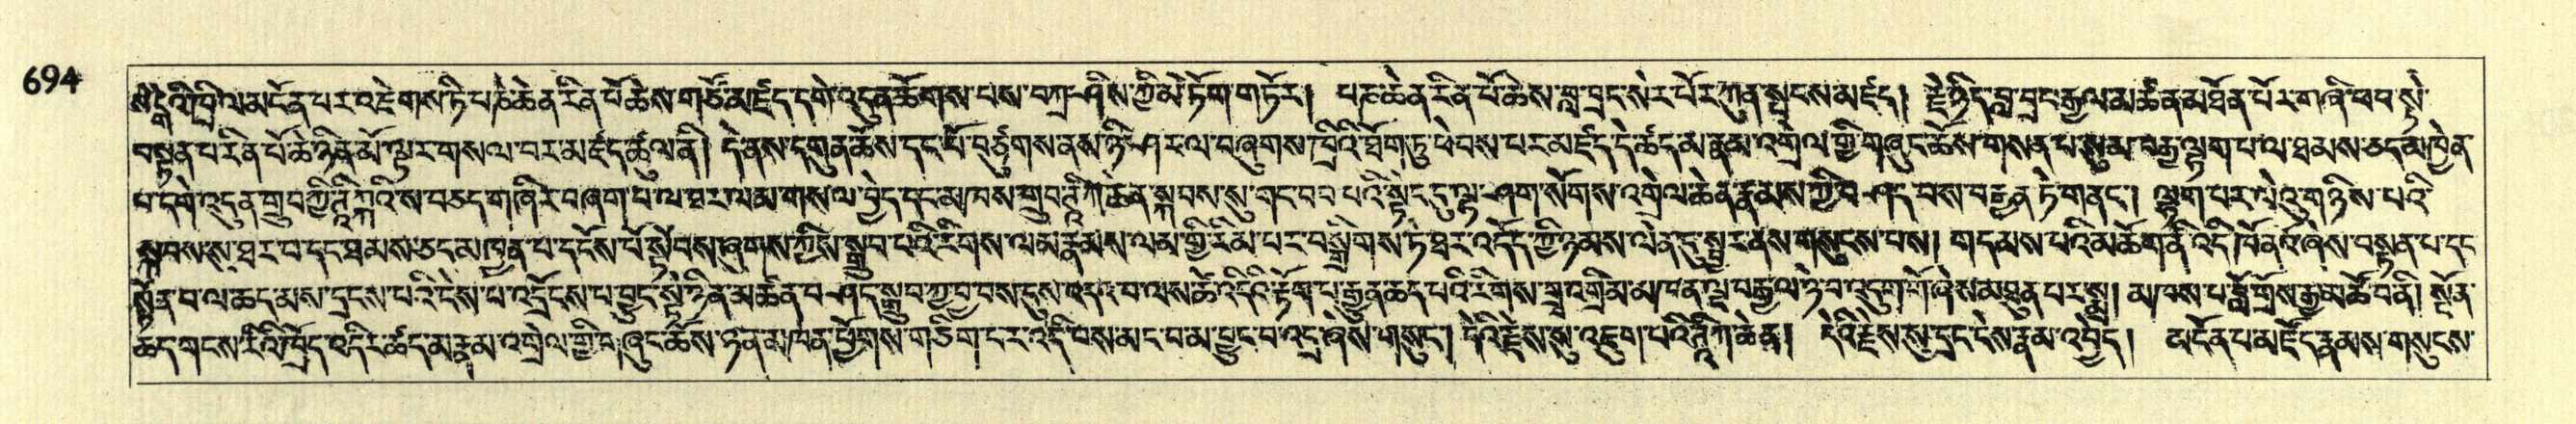སེངྒེའི་ཁྲི་ལ་མངོན་པར་འཇེགས་ཏི་པཎ་ཆེན་རིན་པོ་ཆེས་གཙོ་མཛད་དགེ་འདུན་ཆོགས་པས་བཀྲ་ཤིས་ཀྱི་མེ་ཏོག་གཏོར། པཎ་ཆེན་རིན་པོ་ཆེས་བླ་བྲང་སེར་པོར་ཀུན་སྤངས་མཛད། རྗེ་ཉིད་བླ་བྲང་རྒྱལ་མཚན་མཐོན་པོར་གཞི་ཕབ་སྟེ་
བསྟན་པ་རིན་པོ་ཆེ་ཉིན་མོ་ལྟར་གསལ་བར་མཛད་ཚུལ་ནི། དེ་ནས་དགུན་ཆོས་དང་པོ་བཙུགས་ནས་ཉི་ཤར་ལ་བཞུགས་ཁྲིའི་ཐོག་ཏུ་ཕེབས་པར་མཛད་དེ་ཚད་མ་རྣམ་འགྲེལ་གྱི་ཞུང་ཆོས་གསན་པ་སུམ་བརྒྱ་ལྷག་པ་ལ་ཐམས་ཅད་མཁྱེན་
པ་དགེ་འདུན་གྲུབ་ཀྱི་ཊཱིཀྐའི་ས་བཅད་གཞིར་བཞག་པ་ལ་ཐར་ལམ་གསལ་བྱེད་དང་མཁས་གྲུབ་ཊཱིཀ་ཆེན་སྐབས་སུ་གང་བབ་པའི་སྟེང་དུ་ལྷ་ཤག་སོགས་འགྲེལ་ཆེན་རྣམས་ཀྱི་བཤད་བས་བརྒྱན་ཏེ་གནང་། ལྷག་པར་ལེའུ་གཉིས་པའི་
སྐབས་སུ་ཐར་བ་དང་ཐམས་ཅད་མཁྱེན་པ་དངོས་པོ་སྟོབས་ཞུགས་ཀྱིས་སྒྲུབ་པའི་རིགས་ལམ་རྣམས་ལམ་གྱི་རིམ་པར་བསྒྲིགས་ཏེ་ཐར་འདོད་ཀྱི་ཉམས་ལེན་དུ་སྦྱར་ནས་གསུངས་བས། གདམས་པའི་མཆོག་ནི་འདི་ཁོ་ནའོ་ཞེས་བསྟན་པ་དང་
སྟོན་བ་ལ་ཆད་མས་དྲངས་པའི་ངེས་པ་འདྲོངས་པ་བྱུང་སྟེ་ཉིན་མཚན་བཤད་སྒྲུབ་ཀྱ་བྱ་བས་དུས་འདའ་བ་ལས་ཚེ་འདིའི་རྟོག་པ་རྒྱུན་ཆད་པའི་རིགས་གྲྭ་འགྲིམ་མཁན་ལྔ་བརྒྱ་ལ་ཉེ་བ་འདུག་གོ་ཞེས་མཐུན་པར་སྨྲ། མཁས་པ་བློ་གྲོས་རྒྱ་མཚོ་བ་ནི། སྔོན་
ཆད་གངས་རིའི་ཁྲོད་འདིར་ཚད་མ་རྣམ་འགྲེལ་གྱི་གཞུང་ཆོས་ཉན་མཁན་ཕྱོགས་གཅིག་ངར་འདི་བས་མང་བ་མ་བྱུང་བ་འདྲ་ཞེས་གསུང་། དེའི་རྗེས་སུ་འཇུག་པའི་ཊཱིཀ་ཆེན། དེའི་རྗེས་སུ་དྲང་ངེས་རྣམ་འབྱེད། མངོན་པ་མཛོད་རྣམས་གསུངས་